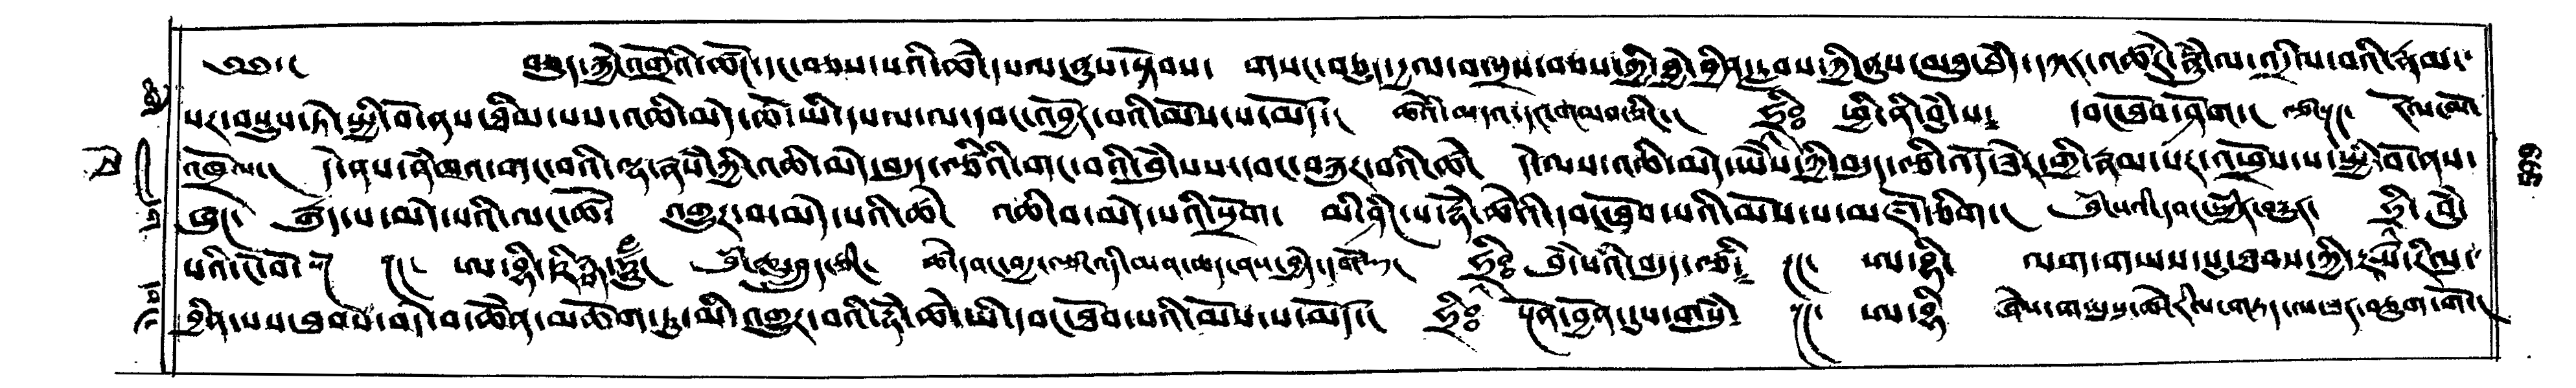བཅུད་སྐྱེ་འགྲོའི་ཚོགས་དང་བཅས་པའི་ཚེ་དཔལ་ནུས་སྟོབས། གསང་བཅུད་རྒྱལ་བ་སྲས་བཅས་ཀྱི་ཐུགས་རྗེ་བྱིན་རླབས་ཀྱི་ནུས་མཐུ་ཐམས་ཅད་དཀར་འཚེར་སྣུ་རྔམ་ལ་འདྲིལ་བའི་རྣམ་
པར་བསྡུས་ཏེ་སྤྱི་བོ་ནས་ཐིམ་པས་འཆི་མེད་ཚེ་ཡི་དཔལ་ལ་དབང་འབྱོར་བའི་མོས་པ་མཛོད།ཚེའི་མདའ་དར་གཡབ་ཅིང་། ཧྲིཿ ཕྱི་ནི་བུམ་པ༴ དབང་ཐོབ་ཤོག རྩ་སྔགས། རོལ་མོ་
འཁྲོལ། དེ་ནས་ནམ་མཁའ་གང་བའི་ལྷ་རྣམས་ཀྱི་འཆི་མེད་བདུད་རྩིས་གང་བའི་བུམ་པས་དབང་བསྐུར་བའི་ཚེ། དེ་ལས་འཆི་མེད་ཡེ་ཤེས་ཀྱི་བདུད་རྩི་འོད་ཟེར་གྱི་རྣམ་པར་འཕྲོས་པ་སྤྱི་བོ་ནས་
ཞུགས། རྒུད་པ་མེད་པའི་ལང་ཚོ། འགྱུར་བ་མེད་པའི་ཚེ། འཆི་བ་མེད་པའི་སྲོག མི་ཤིགས་པ་རྡོ་རྗེ་ཚེའི་དབང་ཐོབ་པའི་མོས་པ་མཛོད་ཅིག བུམ་པའི་དབང་སྤྱི་བོར་མ་བསྐུར། ཧྲཱི་བུམ་
པའི་ངོ་བོ་སོགས། སྔགས། ཨ་བྷི་རིཉྩ་ཧཱུྃ། བུམ་ཆུ་བླུད་ཅིང་། ཚེ་དབང་བརྒྱ་རྩ་འདི་མན་ཆད་ནས་བྱེད་དགོས། ཧྲཱིཿབུམ་པའི་བདུད་རྩི༴ སྔགས། ཨ་བྷི། ལག་གཡས་སུ་ཐབས་ཀྱི་རྫས་རིལ་བུ་
བྱིན་པས་ཐབས་བདེ་བ་ཆེན་པོ་མཆོག་ཏུ་མི་འགྱུར་བའི་རྡོ་རྗེ་ཚེ་ཡི་དབང་ཐོབ་པའི་མོས་པ་མཛོད། ཧྲིཿ སྔོན་བྱོན་དུས་གསུམ༴ སྔགས། ཨ་བྷི། ཞེས་གཡས་སུ་ཚེ་རིལ་གཏད་ལ་བྲར་བཅུག་གོ